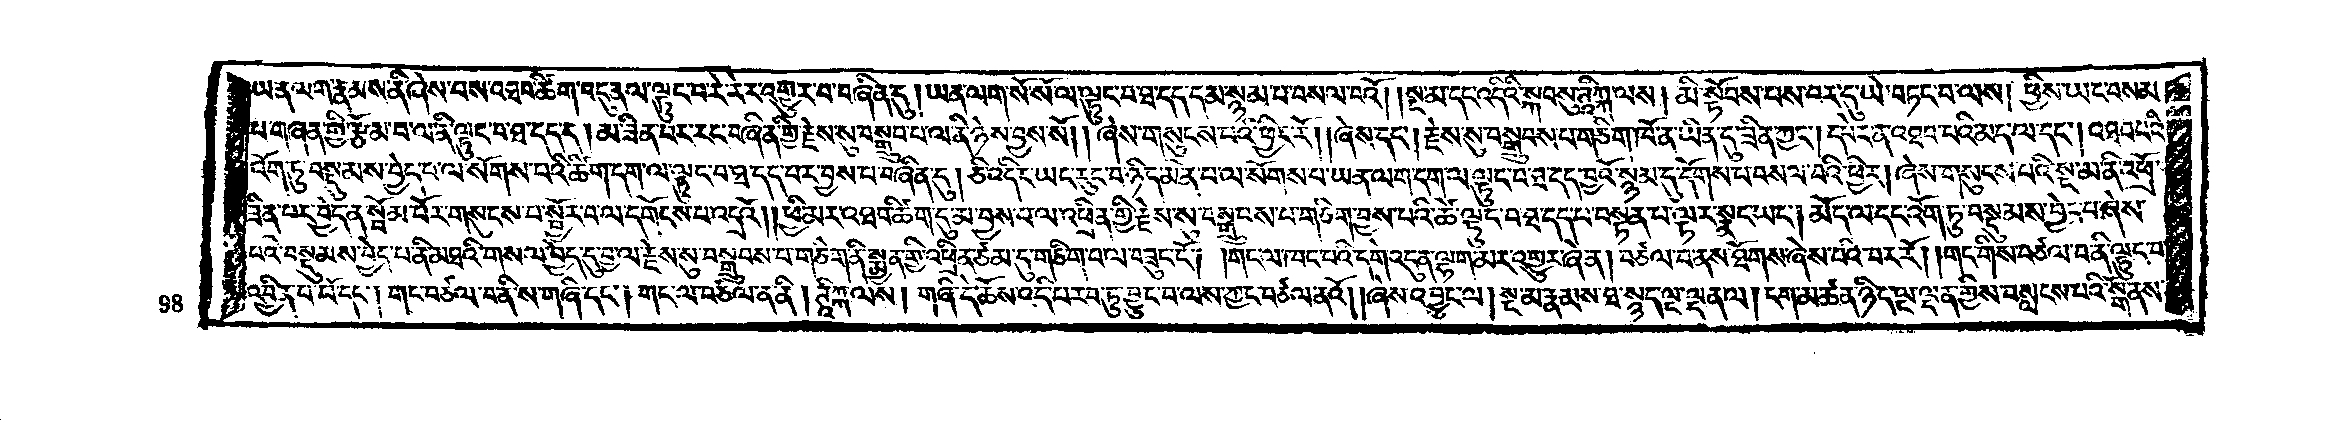ཡན་ལག་རྣམས་ནི་ཞེས་པས་འཐབ་ཚིག་བདུན་ལ་ལྟུང་བ་རེ་རེར་འགྱུར་བ་བཞིན་དུ། ཡན་ལག་སོ་སོ་ལ་ལྟུང་བ་ཐ་དད་དམ་སྙམ་པ་བསལ་བའོ། །སྔ་མ་དང་འདིའི་སྐབས་སུ་ཊཱིཀྐ་ལས། མི་སྟོབས་པས་བར་དུ་ཡེ་བཏང་བ་ལས། ཕྱིས་ཡང་བསམ་
པ་གཞན་གྱི་རྩོམ་པ་ལ་ནི་ལྟུང་བ་ཐ་དད་ད། མ་ཟིན་པར་རང་བཞིན་གྱི་རྗེས་སུ་བསྒྲུབ་པ་ལ་ནི་ཉེས་བྱས་སོ། །ཞེས་གསུངས་པའི་ཕྱིར་རོ། །ཞེས་དང་། རྗེས་སུ་བསྒྲུབས་པ་གཅིག་ཁོ་ན་ཡིན་དུ་ཟིན་ཀྱང་། དཔེར་ན་འཐབ་པའི་མད་ལ་དང་། འཐབ་པའི་
འོག་ཏུ་བསྡུམས་བྱེད་པ་ལ་སོགས་པའི་ཚིག་དག་ལ་ལྟུང་བ་ཐ་དད་པར་བྱས་པ་བཞིན་དུ། ཅི་འདིར་ཡང་རུང་བ་ཉིད་མིན་པ་ལ་སོགས་པ་ཡན་ལག་དག་ལ་ལྟུང་བ་ཐ་དད་བྱའོ་སྙམ་དུ་དོགས་པ་བསལ་བའི་ཕྱིར། ཞེས་གསུངས་པའི་སྔ་མ་ནི་འཕྲོ་
ཟིན་པར་བྱེད་ན་སྦོམ་པོར་གསུངས་པ་སྦྱོར་བ་ལ་དགོངས་པ་འདྲའོ། །ཕྱི་མར་འཐབ་ཚིག་དུ་མ་བྱས་པ་ལ་འཕྲིན་གྱི་རྗེས་གཅིག་བྱས་པའི་ཚེ་ལྟུང་བ་ཐ་དད་པ་བསྟན་པ་ལྟར་སྣང་ཡང་། མོད་ལ་དང་འོག་ཏུ་བསྡུམས་བྱེད་པ་ཞེས་
པའི་བསྡུམས་བྱེད་པ་ནི་མཐའི་གསལ་བྱེད་དུ་བྱ་ལ་རྗེས་སུ་བསྒྲུབས་པ་གཅིག་ནི་སྨྱན་གྱི་འཕྲིན་ཙམ་དུ་གཅིག་པ་ལ་བཟུང་ངོ། །གང་ལ་ཁང་པའི་དགེ་འདུན་ལྷག་མར་འགྱུར་ཞེ་ན། བཙལ་བ་ནས་ཐོགས་ཞེས་པའི་བར་རོ། །གང་གིས་བཙལ་བ་ནི་ལྟུང་བ་
འབྱིན་པ་པོ་དང་། གང་བཙལ་བ་ནི་ས་གཞི་དང་། གང་ལ་བཙལ་ན་ནི། ཊཱིཀ་ལས། གཞི་དེ་ཆོས་འདི་ལ་རབ་ཏུ་བྱུང་བ་ལས་ཀྱང་བཙལ་ནའོ། །ཞེས་འབྱུང་ལ། སྔ་མ་རྣམས་ཐ་སྙད་ལྔ་ལྡན་ལ། ངག་མཚན་ཉིད་ལྔ་ལྡན་གྱིས་བསླངས་པའི་སྒོ་ནས་